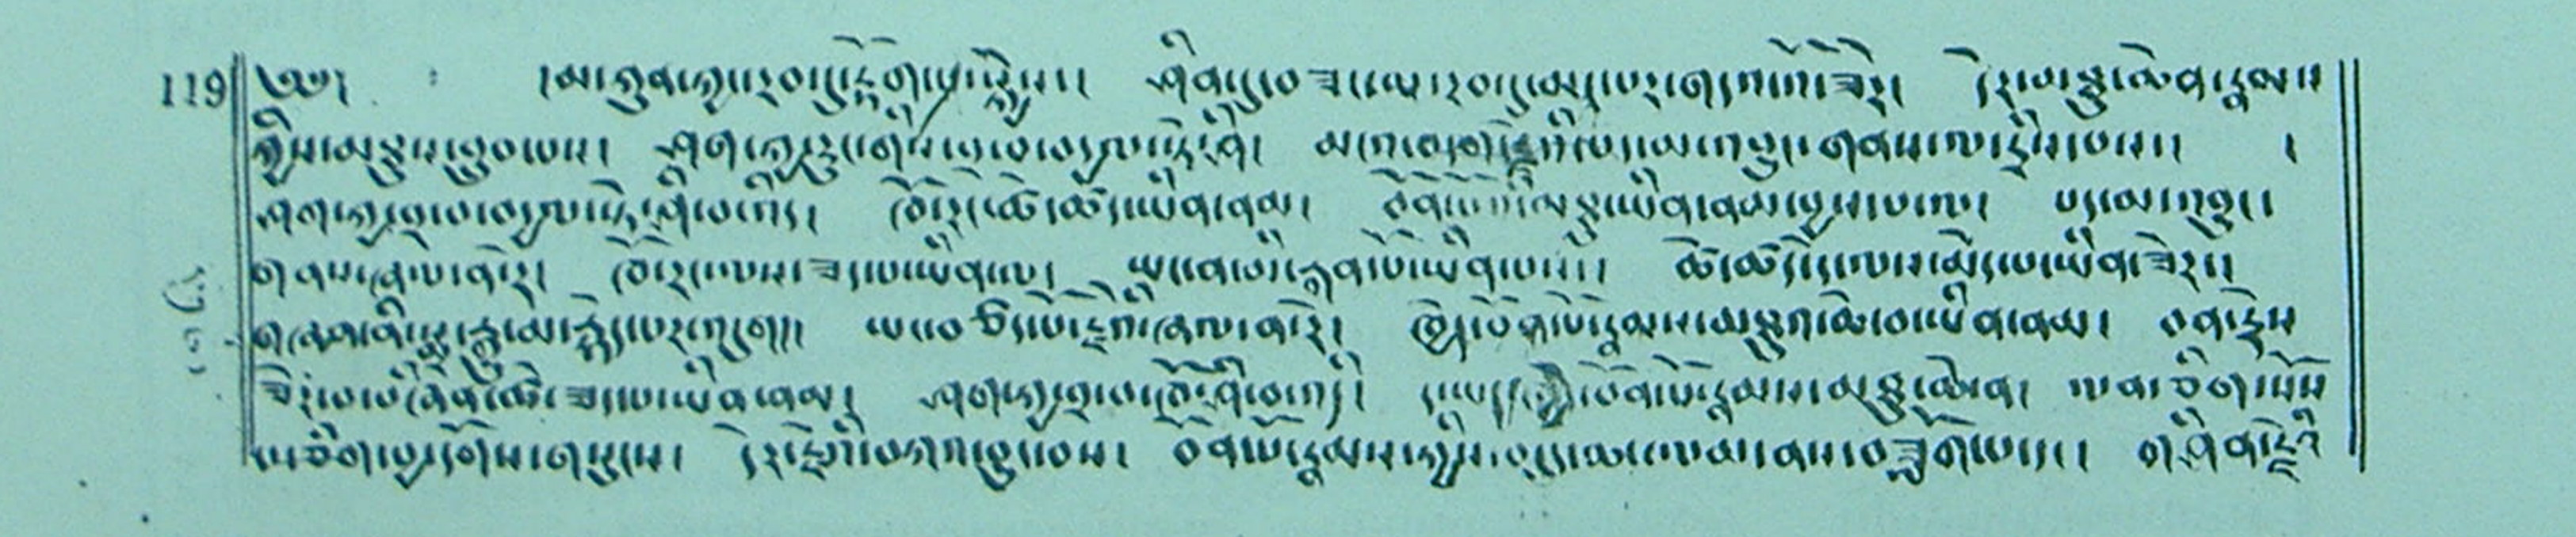༄༅། །མ་ཀུན་ཡང་རབ་ཏུ་རྟོགས་པ་སྐྱེས། ཤིན་ཏུ་བཟང་ལ་རབ་ཏུ་མང་པར་གདའ་འོ་ཟེར། དེར་མཐུ་ཆེན་རྣམས་
ཀྱིས་མཐུས་བྲུབ་པས། ཤག་ཀྱ་རུང་གི་བྲ་བ་བརྒྱལ་ཏེ་ཤི། མངའ་བདག་རྗེ་པད་མ་འབྱུང་གནས་ལ་དྲི་བས། 
ཤག་ཀྱ་བྲ་བ་བརྒྱལ་ཏེ་ཤི་བ་འདི། ཁོ་རང་ཚེ་ཚད་ཡིན་ནམ། བོན་པོའི་མཐུ་ཡིན་ནམ་བྱས་པ་ལ། པད་མ་འབྱུང་
གནས་ཞལ་ན་རེ། ཁོ་རང་ལས་ཟད་པ་ཡིན་ལ། ཡང་ན་མི་རྒན་པོ་ཡིན་པས། ཚེ་ཚད་དེ་ལས་མེད་པ་ཡིན་ཟེར། 
གཞན་ནི་སྨྲ་རྒྱུ་མ་རྙེད་པར་འདུག ཡང་བཙད་པོ་རྗེའི་ཞལ་ན་རེ། ཁྱོད་བོན་པོ་རྣམས་མཐུ་ཆེ་བ་ཡིན་ནམ། བན་དྷེས་
ཟེར་བ་བཞིན་ཚེ་ཟད་པ་ཡིན་ནམ། ཤག་ཀྱ་བྲ་བ་ཁོ་ཤི་བ་འདི། ད་ཡང་ཁྱེད་བོན་པོ་རྣམས་མཐུ་ཆེ་ན། ལན་ཅིག་སོས་
པ་གཅིག་བྱ་དགོས་གསུངས། དེར་རྗེའི་བཀའ་བྱུང་བས། བོན་པོ་རྣམས་ཀྱིས་བདུད་ཆད་ལམ་ནས་བཟློག་པ་དང་། གཤིན་རྗེའི་